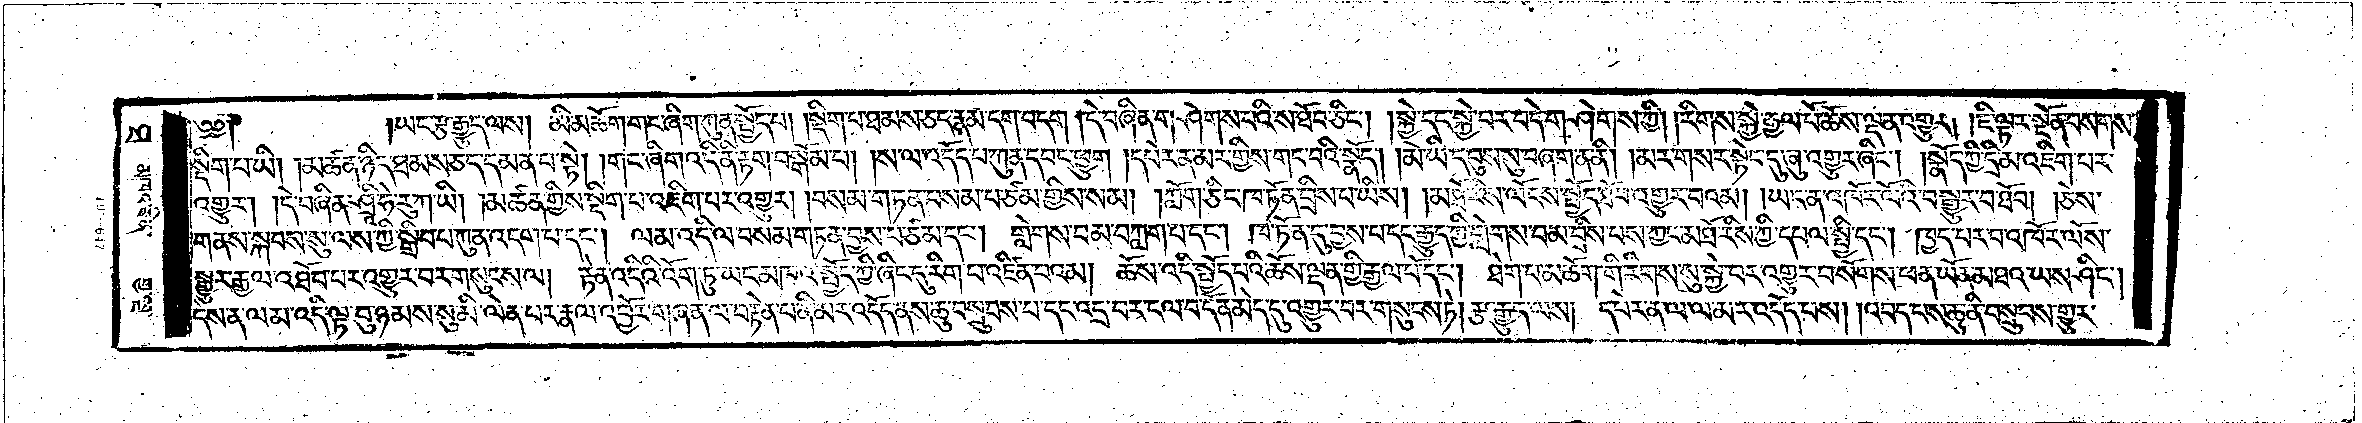༄༅། །ཡང་རྩ་རྒྱུད་ལས། མི་མཆོག་གང་ཞིག་ཀུན་སྤྱོད་པ། །སྡིག་པ་ཐམས་ཅད་རྣམ་དག་བདག །དེ་བཞིན་གཤེགས་པའི་ས་ཐོབ་ཅིང་། །སྐྱེ་དང་སྐྱེ་བར་བདེ་གཤེགས་ཀྱི། །རིགས་སྐྱེ་རྒྱལ་པོ་ཆོས་ལྡན་འགྱུར། །ཇི་ལྟར་སྔོན་བསགས་
སྡིག་པ་ཡི། །མཚན་ཉིད་ཐམས་ཅད་དམན་པ་སྟེ། །གང་ཞིག་འདི་ནི་རྟག་བསྒོམ་པ། །ས་ལ་འདོད་པ་ཀུན་དབང་ཕྱུག །དཔེར་ན་མར་གྱིས་གང་བའི་སྣོད། །མེ་ཡི་དབུས་སུ་བཞག་ན་ནི། །མར་གསར་སྟེང་དུ་ཞུ་འགྱུར་ཞིང་། །སྣོད་ཀྱི་དྲི་མ་འཇིག་པར་
འགྱུར། །དེ་བཞིན་ཤྲཱི་ཧེ་རུ་ཀ་ཡི། །མཚན་གྱིས་སྡིག་པ་འཇིག་པར་འགྱུར། །བསམ་གཏན་བསམ་པ་ཙ་གྱིས་སམ། །ཀློག་ཅིང་ཁ་ཏོན་བྲིས་བ་ཡིས། །མཐོ་རིས་ལོངས་སྤྱོད་ཐོབ་འགྱུར་བའམ། །ཡང་ན་འཁོར་ལོའི་བསྒྱུར་བ་ཐོབ། །ཅེས་
གནས་སྐབས་སུ་ལས་ཀྱི་སྒྲིབ་པ་ཀུན་འདག་པ་དང་། ལམ་འདི་ལ་བསམ་གཏན་བྱས་པ་ཙམ་དང་། གླེགས་བམ་བཀླག་པ་དང་། ཁ་ཏོན་དུ་བྱས་པ་དང་རྒྱུད་ཀྱི་གླེགས་བམ་བྲིས་པས་ཀྱང་མཐོ་རིས་ཀྱི་དཔལ་སྤྱི་དང་། ཁྱད་པར་བ་འཁོར་ལོས་
སྒྱུར་རྒྱལ་འཐོབ་པར་འགྱུར་བར་གསུངས་ལ། རྟེན་འདིའི་འོག་ཏུ་ཡང་མཁའ་སྤྱོད་ཀྱི་ཞིང་དུ་རིག་པ་འཛིན་པའམ། ཆོས་འདི་སྤྱོད་པའི་ཆོས་ལྡན་གྱི་རྒྱལ་པོ་དང་། ཐེག་པ་མཆོག་གི་རིགས་སུ་སྐྱེ་བར་འགྱུར་བ་སོགས་ཕན་ཡོན་མཐའ་ཡས་ཤིང་།
དེས་ན་ལམ་འདི་ལྟ་བུ་ཉམས་སུ་མི་ལེན་པར་རྣལ་འབྱོར་གཞན་ལ་བརྟེན་པ་ནི་མར་འདོད་ནས་ཆུ་བསྲུབས་པ་དང་འདྲ་བར་ངལ་བ་དོན་མེད་དུ་འགྱུར་བར་གསུངས་ཏེ། རྩ་རྒྱུད་ལས། དཔེར་ན་ལ་ལ་མར་འདོད་པས། །འབད་པས་ཆུ་ནི་བསྲུབས་གྱུར་